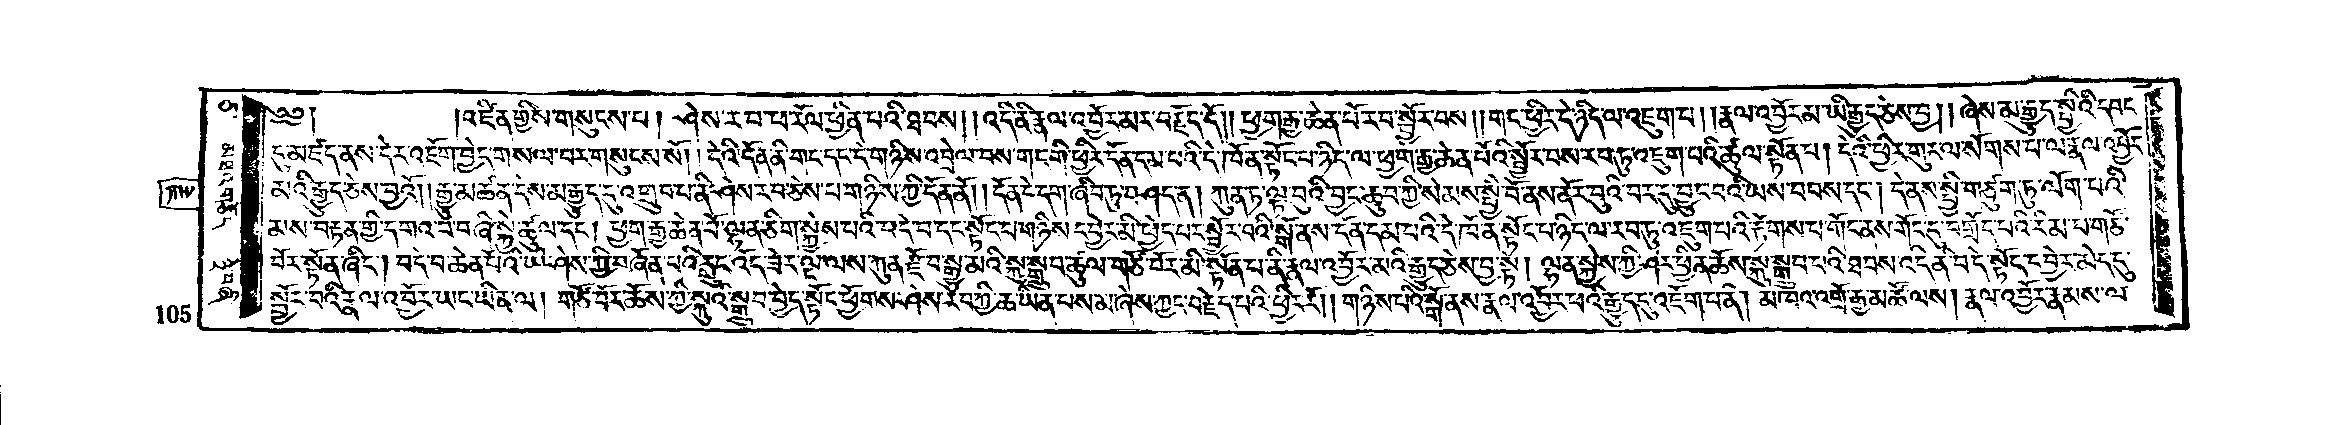༄༅། །འཛིན་གྱིས་གསུངས་པ། ཤེས་རབ་ཕ་རོལ་ཕྱིན་པའི་ཐབས། །འདི་ནི་རྣལ་འབྱོར་མར་བརྗོད་དོ། །ཕྱག་རྒྱ་ཆེན་པོ་རབ་སྦྱོར་བས། །གང་ཕྱིར་དེ་ཉིད་ལ་འཇུག་པ། །རྣལ་འབྱོར་མ་ཡི་རྒྱུད་ཅེས་བྱ། །ཞེས་མ་རྒྱུད་སྤྱིའི་དབང་
དུ་མཛད་ནས་དེར་འཇོག་བྱེད་གསལ་བར་གསུངས་སོ། །དེའི་དོན་ནི་གང་དང་དེ་གཉིས་འབྲེལ་བས་གང་གི་ཕྱིར་དོན་དམ་པའི་དེ་ཁོ་ན་སྟོང་པ་ཉིད་ལ་ཕྱག་རྒྱ་ཆེན་པོའི་སྦྱོར་བས་རབ་ཏུ་འཇུག་པའི་ཚུལ་སྟོན་པ། དེའི་ཕྱིར་གུར་ལ་སོགས་པ་ལ་རྣལ་འབྱོར་
མའི་རྒྱུད་ཅེས་བྱའོ། །རྒྱུ་མཚན་དེས་མ་རྒྱུད་དུ་འགྲུབ་པ་ནི་ཤེས་རབ་ཅེས་པ་གཉིས་ཀྱི་དོན་ནོ། །དོན་དེ་དག་ཞིབ་ཏུ་བཤད་ན། ཀུན་ཏ་ལྟ་བུའི་བྱང་ཆུབ་ཀྱི་སེམས་སྤྱི་བོ་ནས་ནོར་བུའི་བར་དུ་བྱུང་བའི་ཡས་བབས་དང་། དེ་ནས་སྤྱི་གཙུག་ཏུ་ལོག་པའི་
མས་བརྟན་གྱི་དགའ་བ་བཞི་སྐྱེ་ཚུལ་དང་། ཕྱག་རྒྱ་ཆེན་པོ་ལྷན་ཅིག་སྐྱེས་པའི་བདེ་བ་དང་སྟོང་པ་གཉིས་དབྱེར་མི་ཕྱེད་པར་སྦྱོར་བའི་སྒོ་ནས་དོན་དམ་པའི་དེ་ཁོ་ན་སྟོང་པ་ཉིད་ལ་རབ་ཏུ་འཇུག་པའི་རྟོགས་པ་གོང་ནས་གོང་དུ་བགྲོད་པའི་རིམ་པ་གཙོ་
བོར་སྟོན་ཞིང་། བདེ་བ་ཆེན་པོའི་ཡེ་ཤེས་ཀྱི་བཞོན་པའི་རླུང་འོད་ཟེར་ལྔ་ལས་ཀུན་རྫོབ་སྒྱུ་མའི་སྐུ་སྒྲུབ་ཚུལ་གཙོ་བོར་མི་སྟོན་པ་ནི་རྣལ་འབྱོར་མའི་རྒྱུད་ཅེས་བྱ་སྟེ། ལྷན་སྐྱེས་ཀྱི་ཤེར་ཕྱིན་ཆོས་སྐུ་སྒྲུབ་པའི་ཐབས་འདི་ནི་བདེ་སྟོང་དབྱེར་མེད་དུ་
སྦྱོར་བའི་རྣལ་འབྱོར་ཡང་ཡིན་ལ། གཙོ་བོར་ཆོས་ཀྱི་སྐུའི་སྒྲུབ་བྱེད་སྟོང་ཕྱོགས་ཤེས་རབ་ཀྱི་ཆ་ཡིན་པས་མ་ཞེས་ཀྱང་བརྗོད་པའི་ཕྱིར་རོ། །གཉིས་པའི་སྒོ་ནས་རྣལ་འབྱོར་ཕའི་རྒྱུད་དུ་འཇོག་པ་ནི། མཁའ་འགྲོ་རྒྱ་མཚོ་ལས། རྣལ་འབྱོར་རྣམས་ལ་